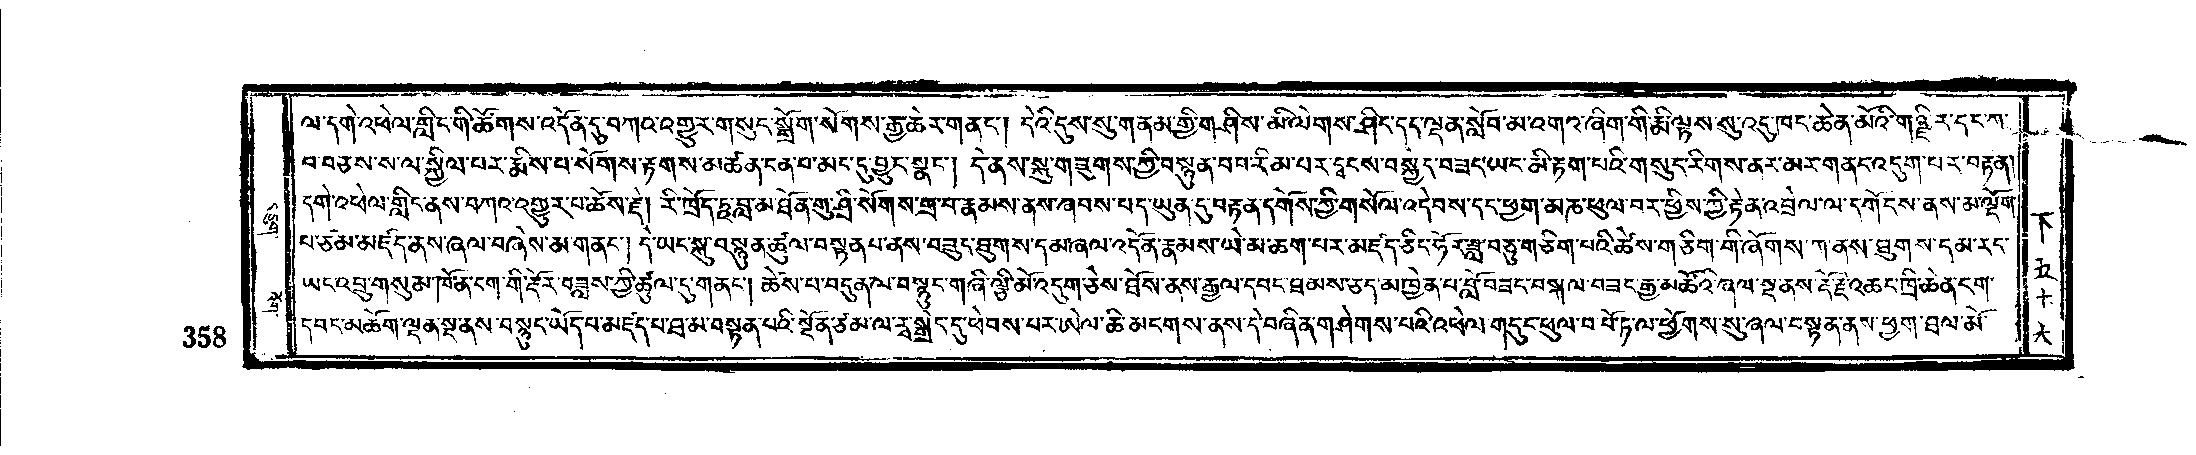ལ་དགེ་འཕེལ་གླིང་གི་ཚོགས་འདོན་དུ་བཀའ་འགྱུར་གསུང་སྒྲོག་སོགས་རྒྱ་ཆེར་གནང་། དེའི་དུས་སུ་གནམ་གྱི་གཤིས་མི་ལེགས་ཤིང་དང་ལྡན་སློབ་མ་འགའ་ཞིག་གི་རྨི་ལྟས་སུ་འདུ་ཁང་ཆེན་མོའི་གཉྫི་ར་དང་ཀ་
བ་བཅས་ས་ལ་སྐྱིལ་པར་རྨིས་པ་སོགས་རྟགས་མཚན་ངན་པ་མང་དུ་བྱུང་སྣང་། དེ་ནས་སྐུ་གཟུགས་ཀྱི་བསྙུན་བབ་རིམ་པར་དྭངས་བསྐྱེད་བཟང་ཡང་མི་རྟག་པའི་གསུང་རིགས་ནར་མར་གནང་འདུག་པར་བརྟན།
དགེ་འཕེལ་གླིང་ནས་བཀའ་འགྱུར་པ་ཆོས་རྗེ། རི་ཁྲོད་ཏཱ་བླ་མ་ཐོན་གུ་ཤྲི་སོགས་གྲ་པ་རྣམས་ནས་ཞབས་པད་ཡུན་དུ་བརྟན་དགོས་ཀྱི་གསོལ་འདེབས་དང་ཕྱག་མཎ་ཕུལ་བར་ཕྱིས་ཀྱི་རྟེན་འབྲེལ་ལ་དགོངས་ནས་མ་ལྡོག་
པ་ཙམ་མཛད་ནས་ཞལ་བཞེས་མ་གནང་། དེ་ཡང་སྐུ་བསྙུན་ཚུལ་བསྟན་པ་ནས་བཟུང་ཐུགས་དམ་ཞལ་འདོན་རྣམས་ཡེ་མ་ཆག་པར་མཛད་ཅིང་ཧོར་ཟླ་བཅུ་གཅིག་པའི་ཚེས་གཅིག་གི་ཞོགས་ཀ་ནས་ཐུགས་དམ་རང་
ཡང་འབྲུ་གསུམ་ཁོ་ན་ངག་གི་རྡོར་བཟླས་ཀྱི་ཚུལ་དུ་གནང་། ཚེས་པ་བདུན་ལ་བསྙུང་གཞི་ལྕི་མོ་འདུག་ཅེས་ཐོས་ནས་རྒྱལ་དབང་ཐམས་ཅད་མཁྱེན་པ་བློ་བཟང་བསྐལ་བཟང་རྒྱ་མཚོའི་ཞལ་སྔ་ནས་རྡོ་རྗེ་འཆང་ཁྲི་ཆེན་ངག་
དབང་མཆོག་ལྡན་སྔ་ནས་བསྙུང་ཡོད་པ་མཛད་པ་ཐ་མ་བསྟན་པའི་སྔོན་ཙམ་ལ་རྭ་སྒྲེང་དུ་ཕེབས་པར་ཨེལ་ཆི་མངགས་ནས་དེ་བཞིན་གཤེགས་པའི་འཕེལ་གདུང་ཕུལ་བ་པོ་ཏ་ལ་ཕྱོགས་སུ་ཞལ་བསྟན་ནས་ཕྱག་ཐལ་མོ་